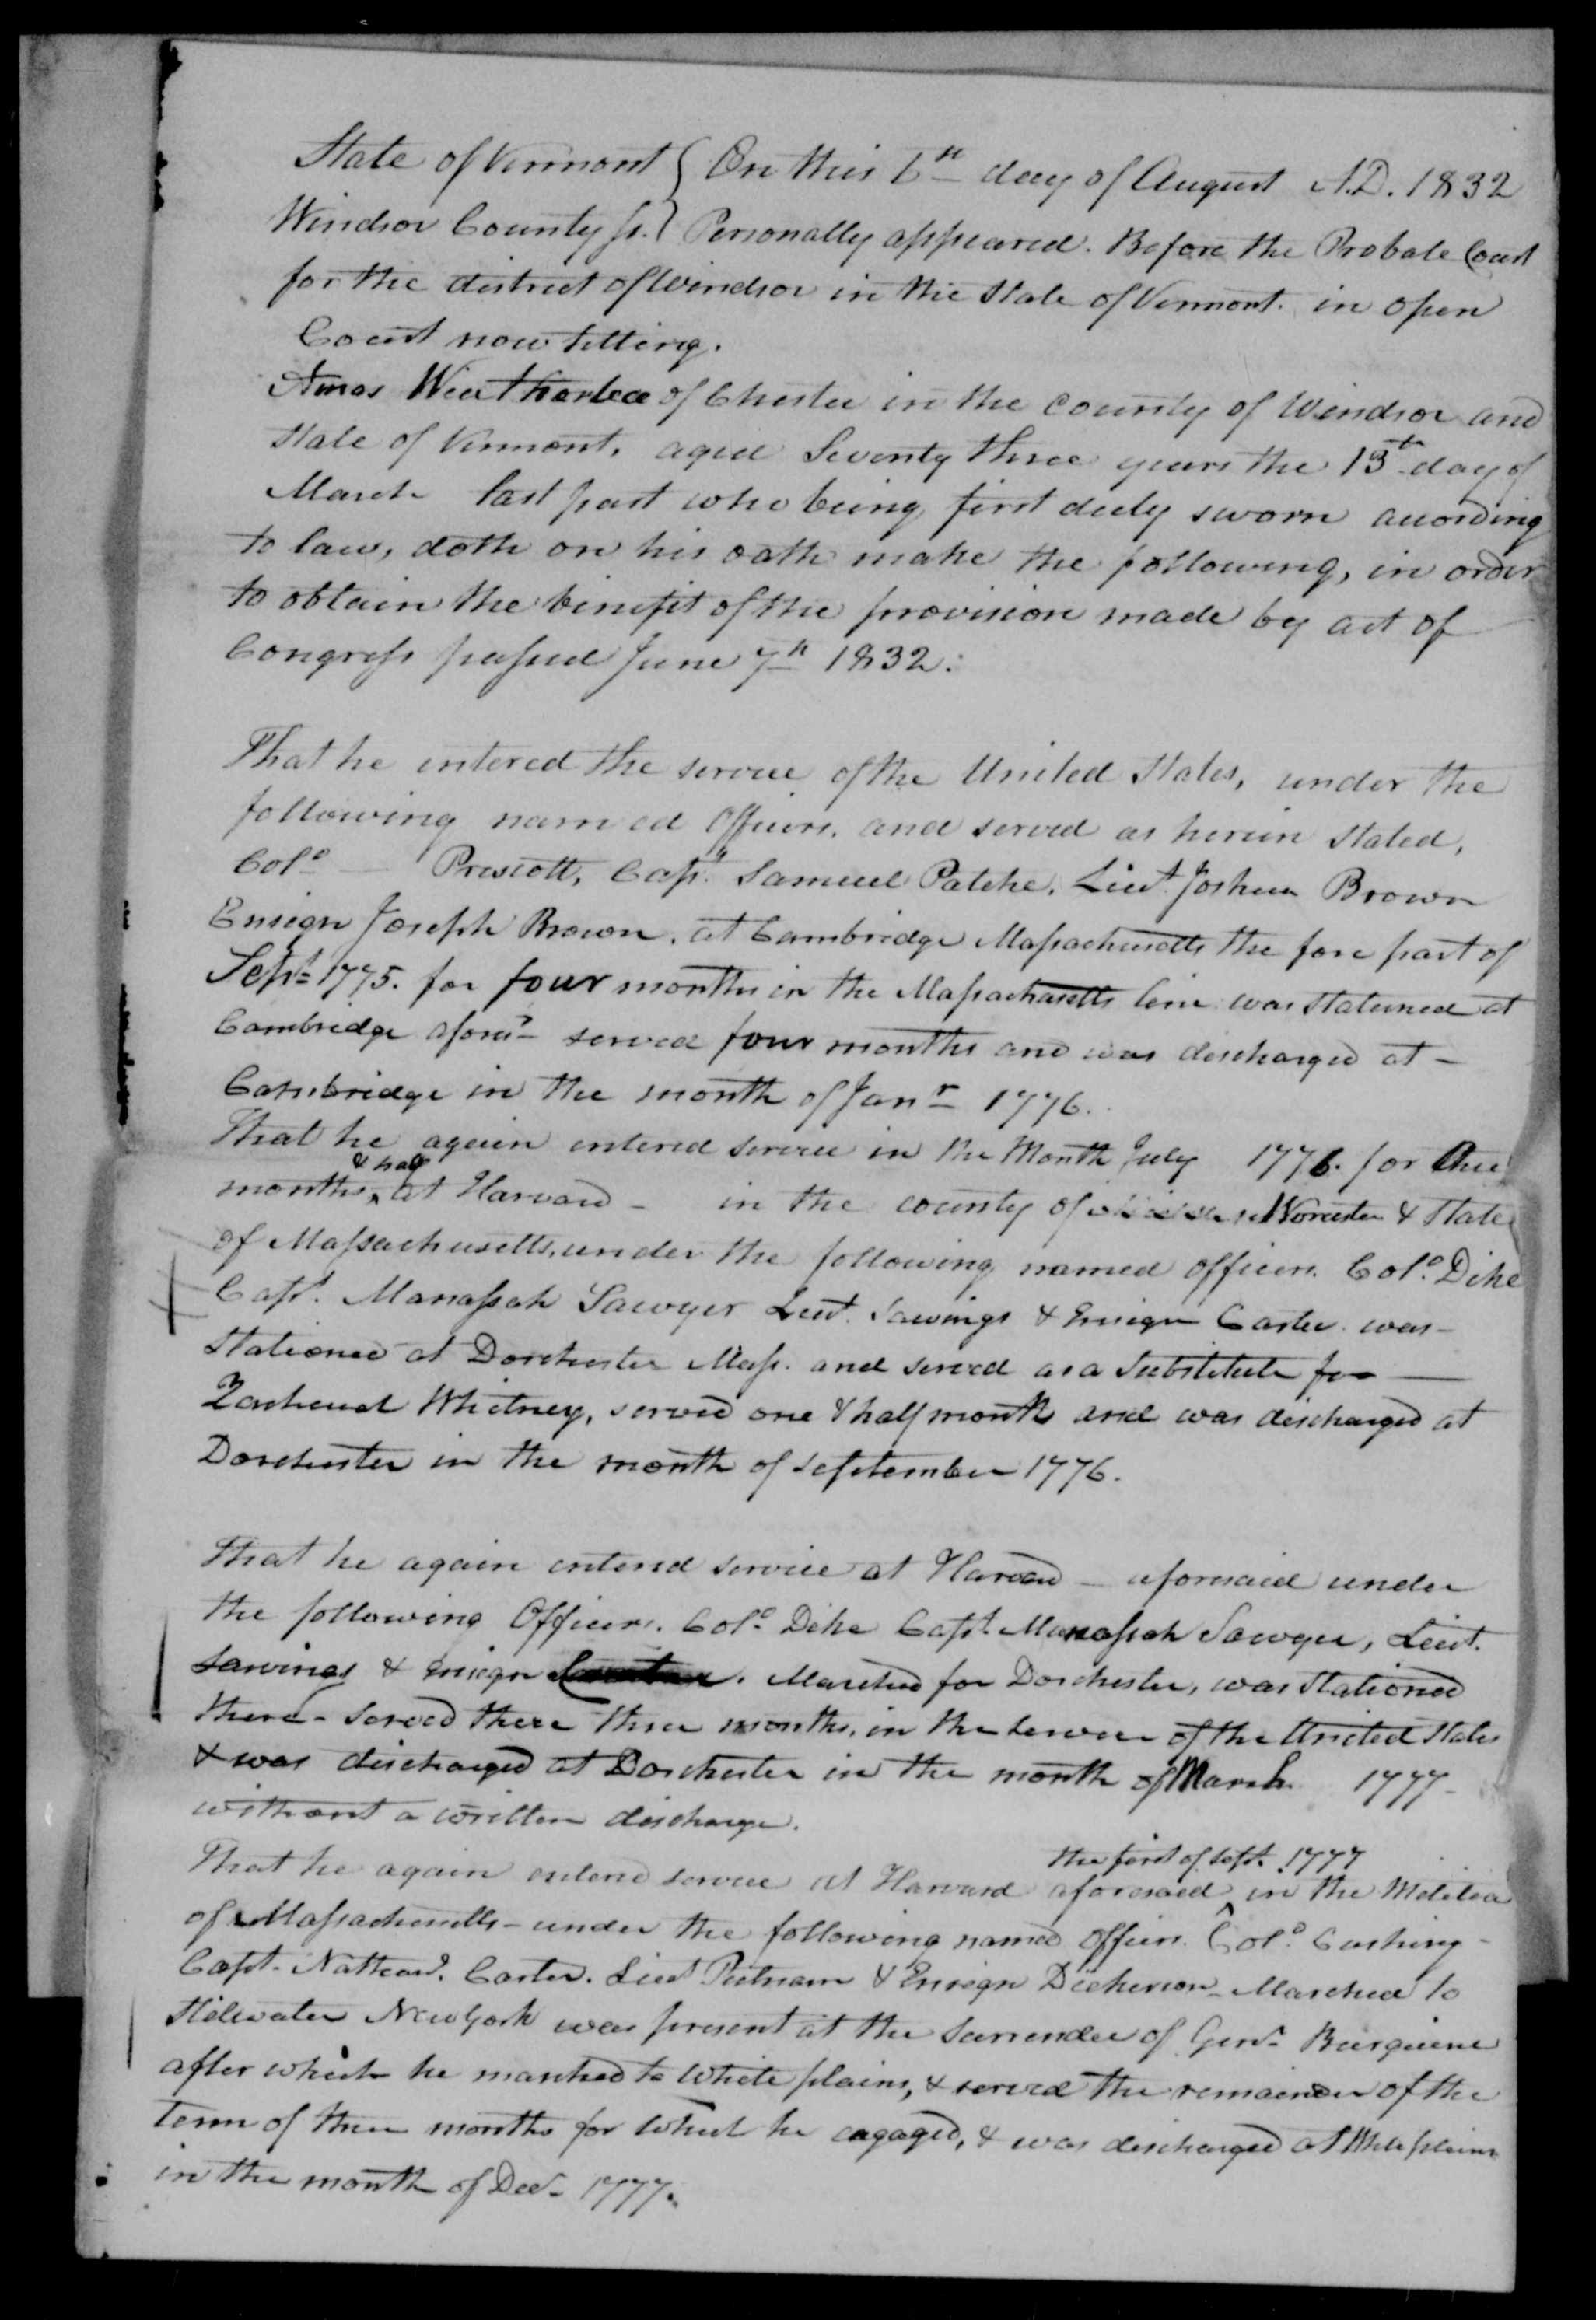State of Vermont
Windsor County SS
On this 6th day of August A. D. 1832 personally appeared Before the Probate Court for the district of Windsor in the State of Vermont in open Court now sitting.
Amos Weatherbee of Chester in the Count of Windsor and State of Vermont, aged seventy three years the 13th day of March last past who being first duly sworn according to law, doth on his oath made the following, in order to obtain the benefit of the provision made by Act of Congress passed June 7th 1832.
That he entered the service of the United States under the following named officers and served as herein stated, Col. Prescott, Capt. Samuel Patche, Lieut. Joshua Brown, Ensign Joseph Brown at Cambridge Massachusetts the fore part of Sept. 1775 for four months in the Massachusetts line was stationed at Cambridge aforesaid-served four months and was discharged at Cambridge in the month of Jan. 1776.
That he again entered service in the month July 1776 for one month ^ & half at Harvard in the county of Worcester & state of Massachusetts under the following named officers, Col. Dike, Capt. Manassah Sawyer, Lieut. Sawings & Ensign Carter. was stationed at Dorchester Mass and served as a substitute for Zacheriah Whitney, served one & half months and was discharged at Dorchester in the month of Sept. 1776.
That he again entered service at Harvard aforesaid under the following officers, Col. Dike Capt. Manassah Sawyer, Lieut. Sawings & Ensign Carter, marched for Dorchester, was stationed there, served there three months in the service of the United States & was discharged at Dorchester in the month of March 1777 without a written discharge.
The he again entered service at Harvard aforesaid ^the first of Sept. 1777 in the Militia of Massachusetts under the following named officers, Col. Cushing, Capt. Nathaniel Carter, Lieut. Putman & Ensign Dickerson, marched to Stillwater New York, was present at the surrender of Genl. Burguine after which he marched to White Plains & served the remainder of the term of three months for which he engaged & was discharged at White Plains in the month of Dec. 1777.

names: Zacheriah Whitney, Dickerson, Joshua Brown, Manassah Sawyer, Carter, Dike, Nathanl Carter, Sawings, Prescott, Amos Weatherbee, Burgoine, Samuel Patche, Cushing, Joseph Brown, Putnam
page: 23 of 66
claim: widow's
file: W. 2468, Amos Wetherbee, Mass.